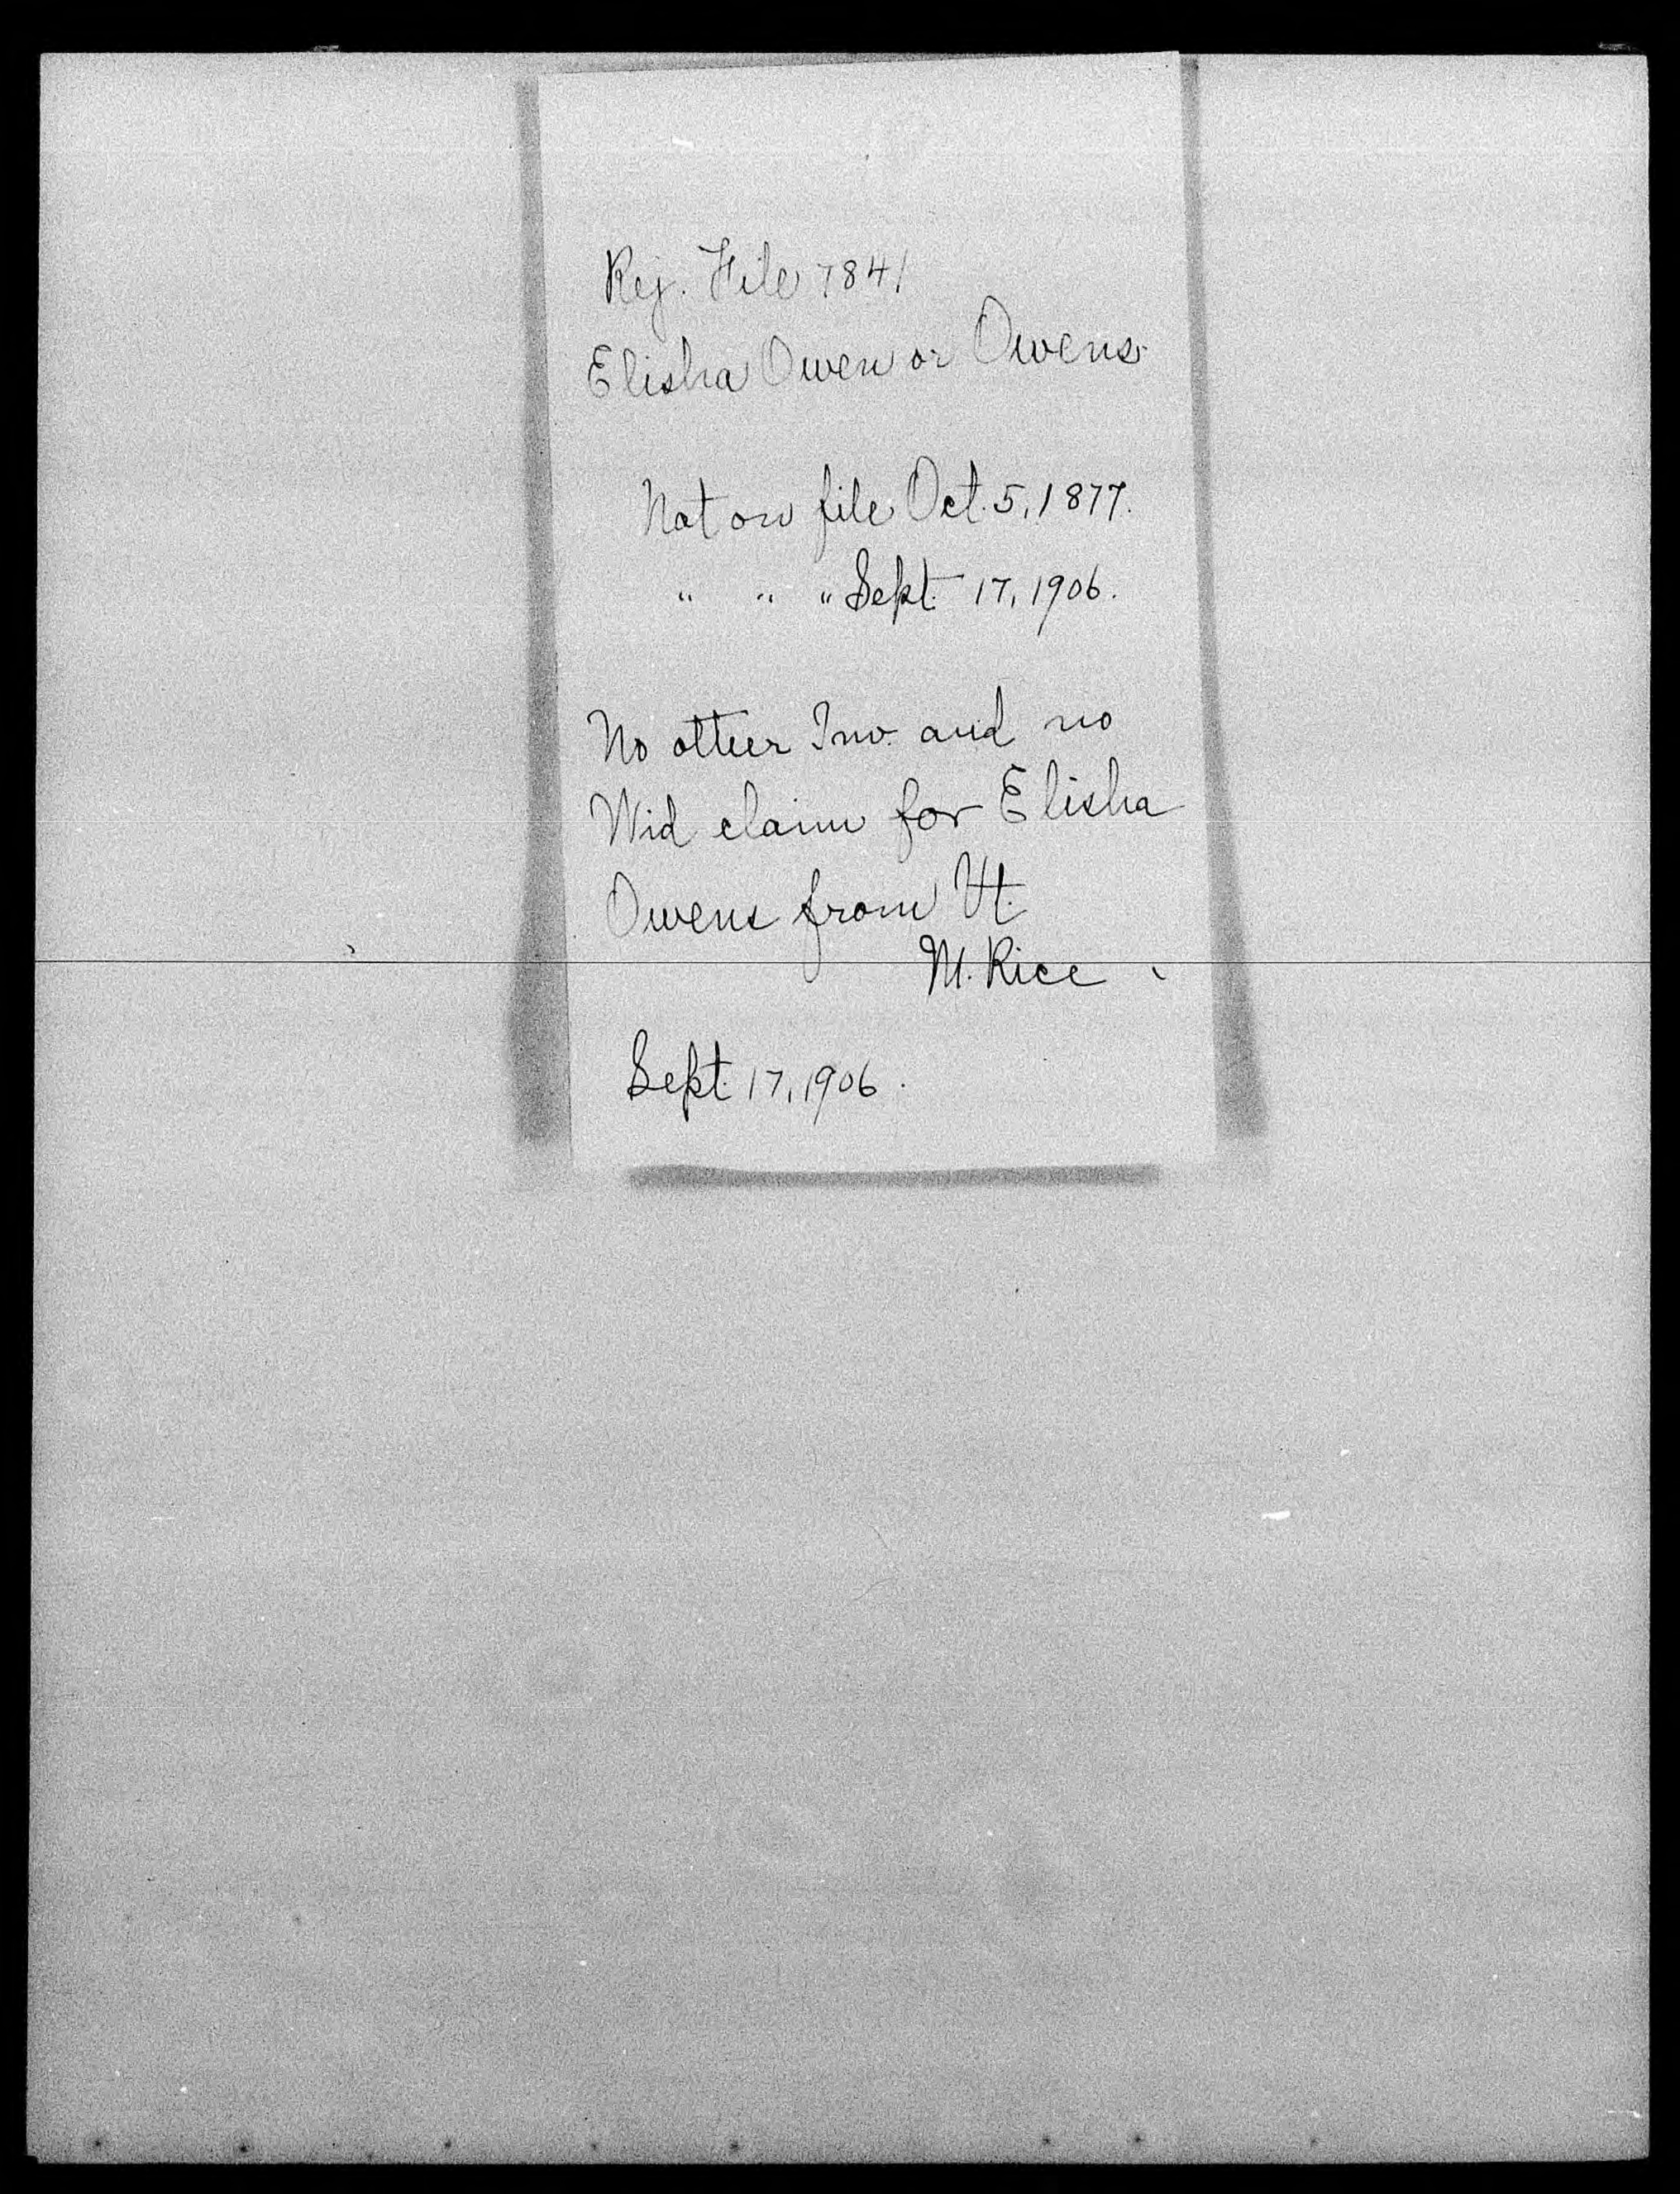Rej. File 7841
Elisha Owen or Owens

Not on file Oct. 5 1877
" " " [indicating 'Not on file' copied from line above] Sept 17, 1906

Not other Inv. and not Wid claim for Elisha Owens from Vt.
M. Rice

Sept. 17, 1906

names: M Rice; Elisha Owens; Elisha Owen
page: 21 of 23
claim: survivor's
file: S 14072, for Elisha Owen, Vermont